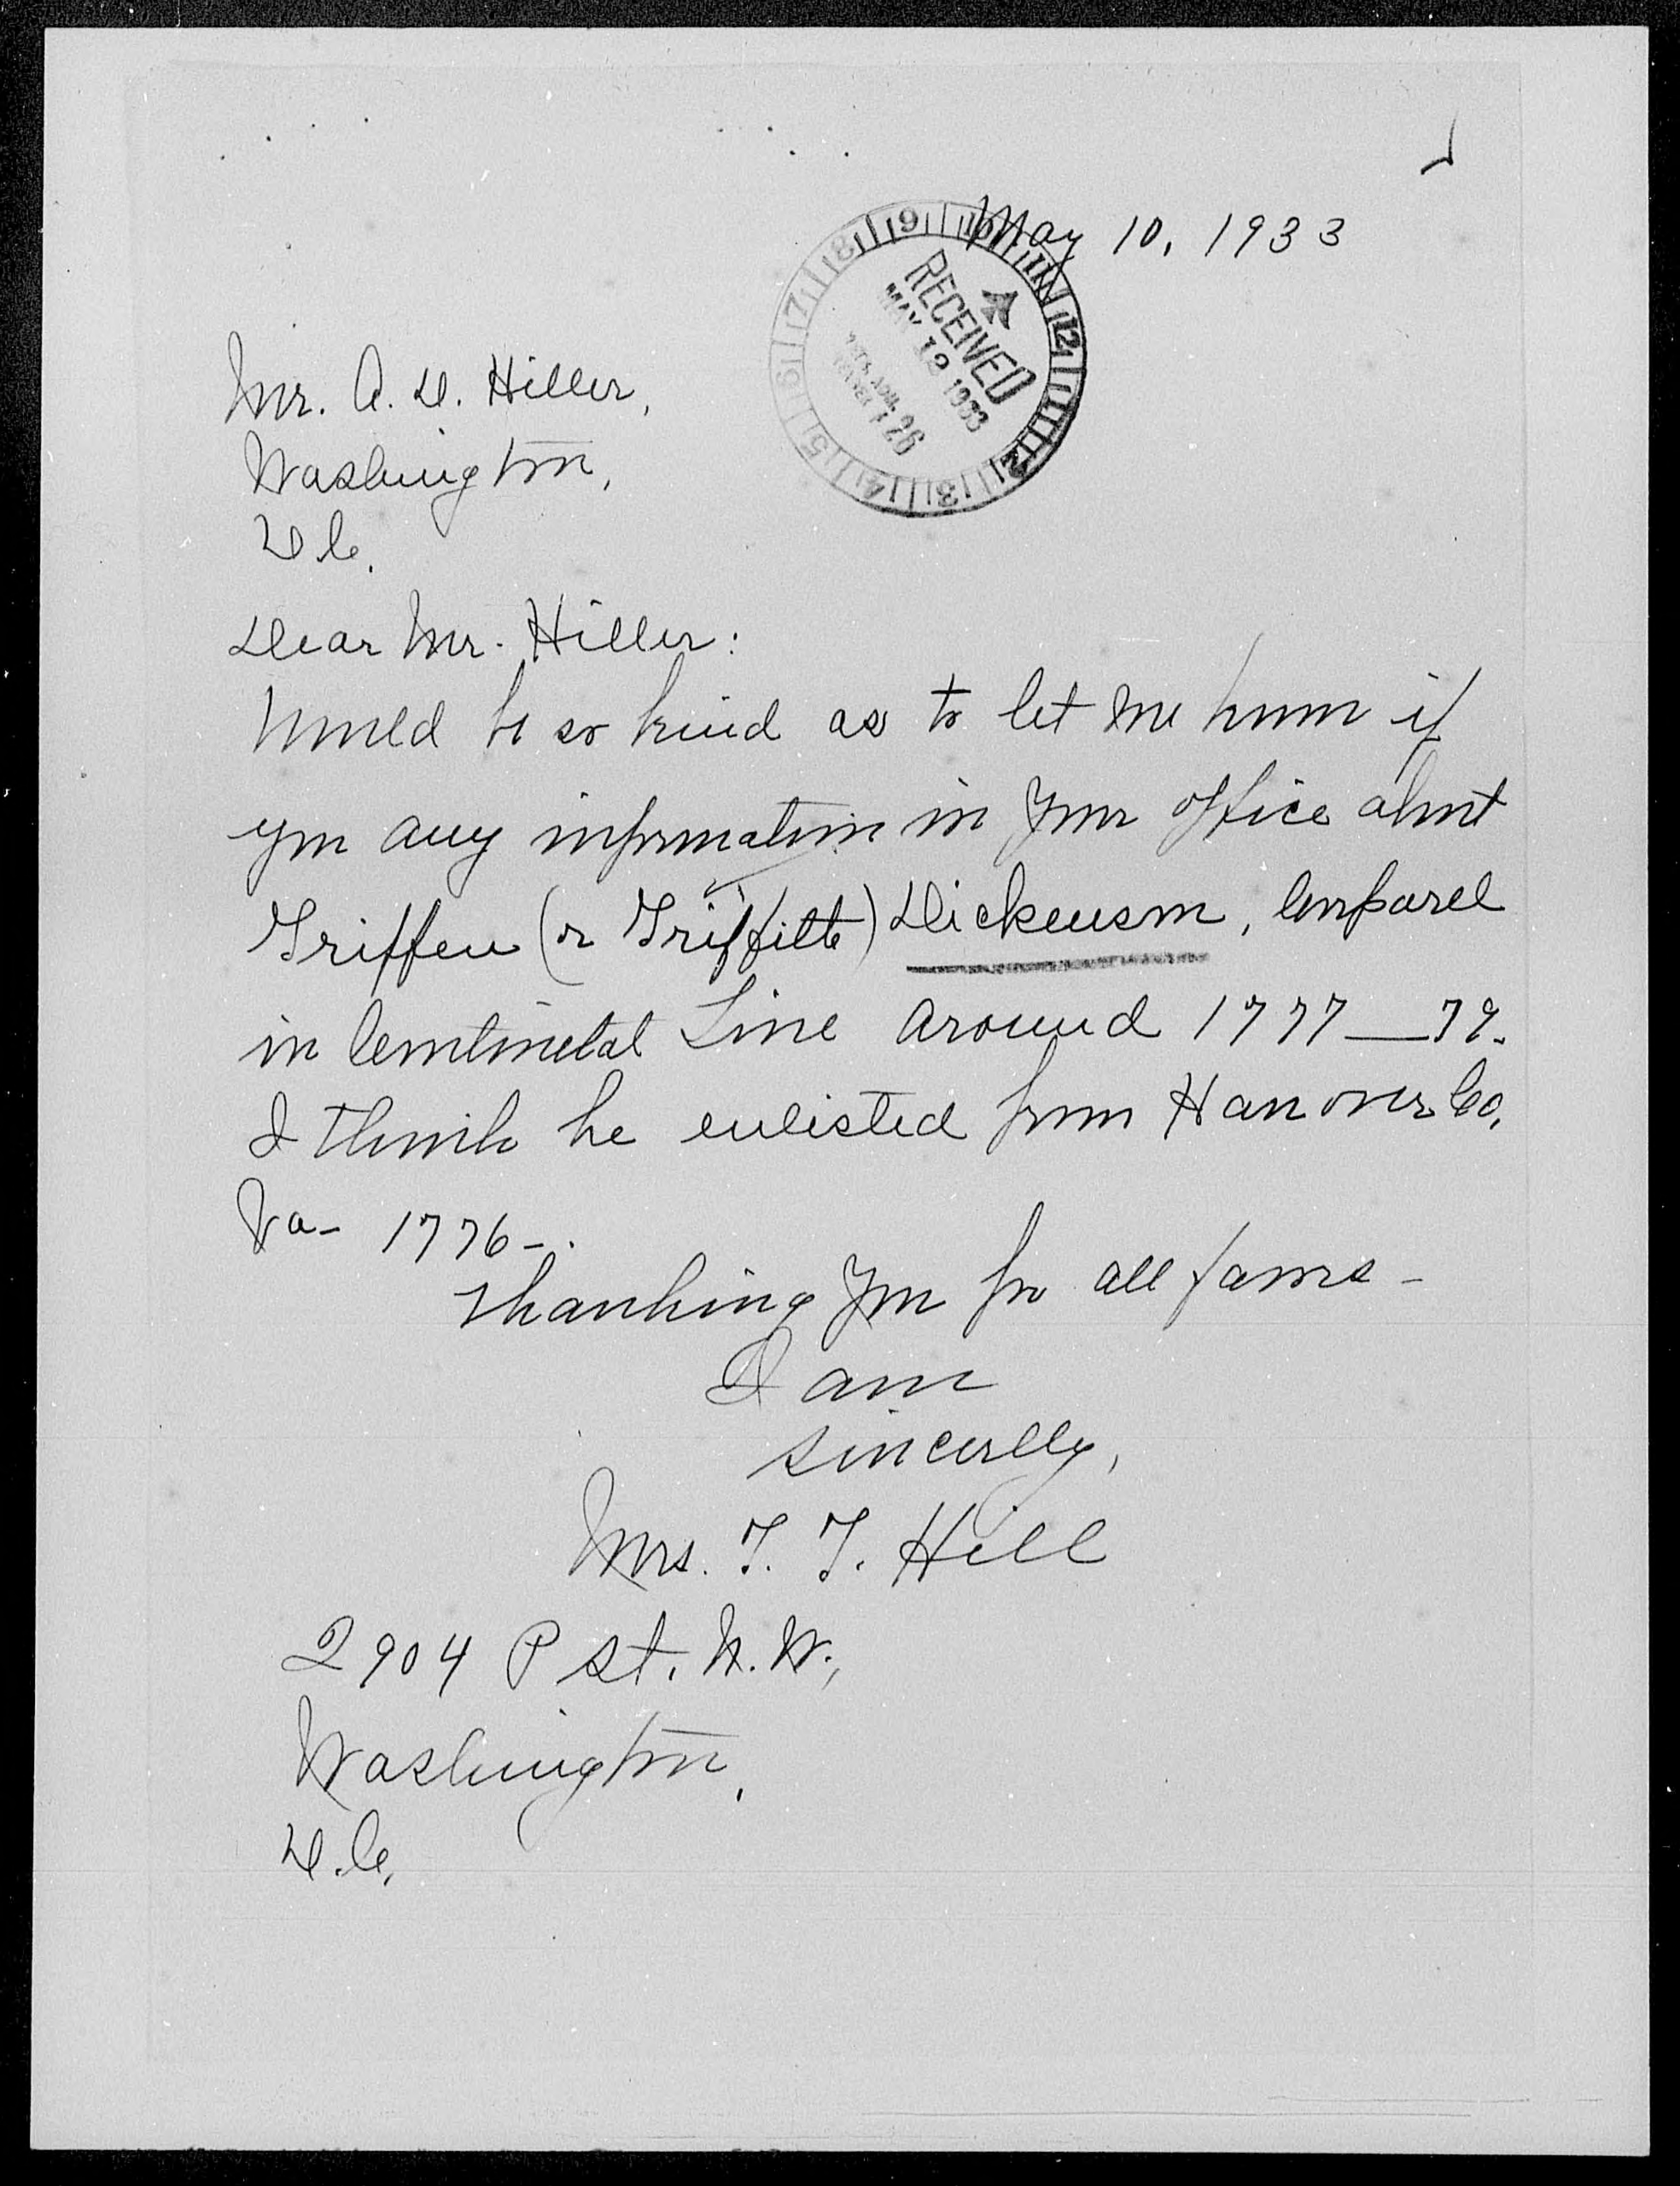May 10,1933
Mr. A. D. Hiller
Washington
DC.

Dear Mr. Hiller
Would be so kind as to let me know if
you any information in your office about
Griffen (or Griffith) Dickenson, [ILLEGIBLE] in 
Central Line around 1777- 79.
I think he enlisted from Hanover Co.
Va. 1776-
Thanking you for all [ILLEGIBLE]

I am sincerely, 
Mrs F. F. Hill
2904 P St. N.W.
Washington D.C.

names: T T Hill, Griffen Dickenson, Griffith Dickenson, A D Hiller, Hiller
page: 25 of 26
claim: survivor's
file: S. 20896, Griffeth Dickenson, Ga. Va.